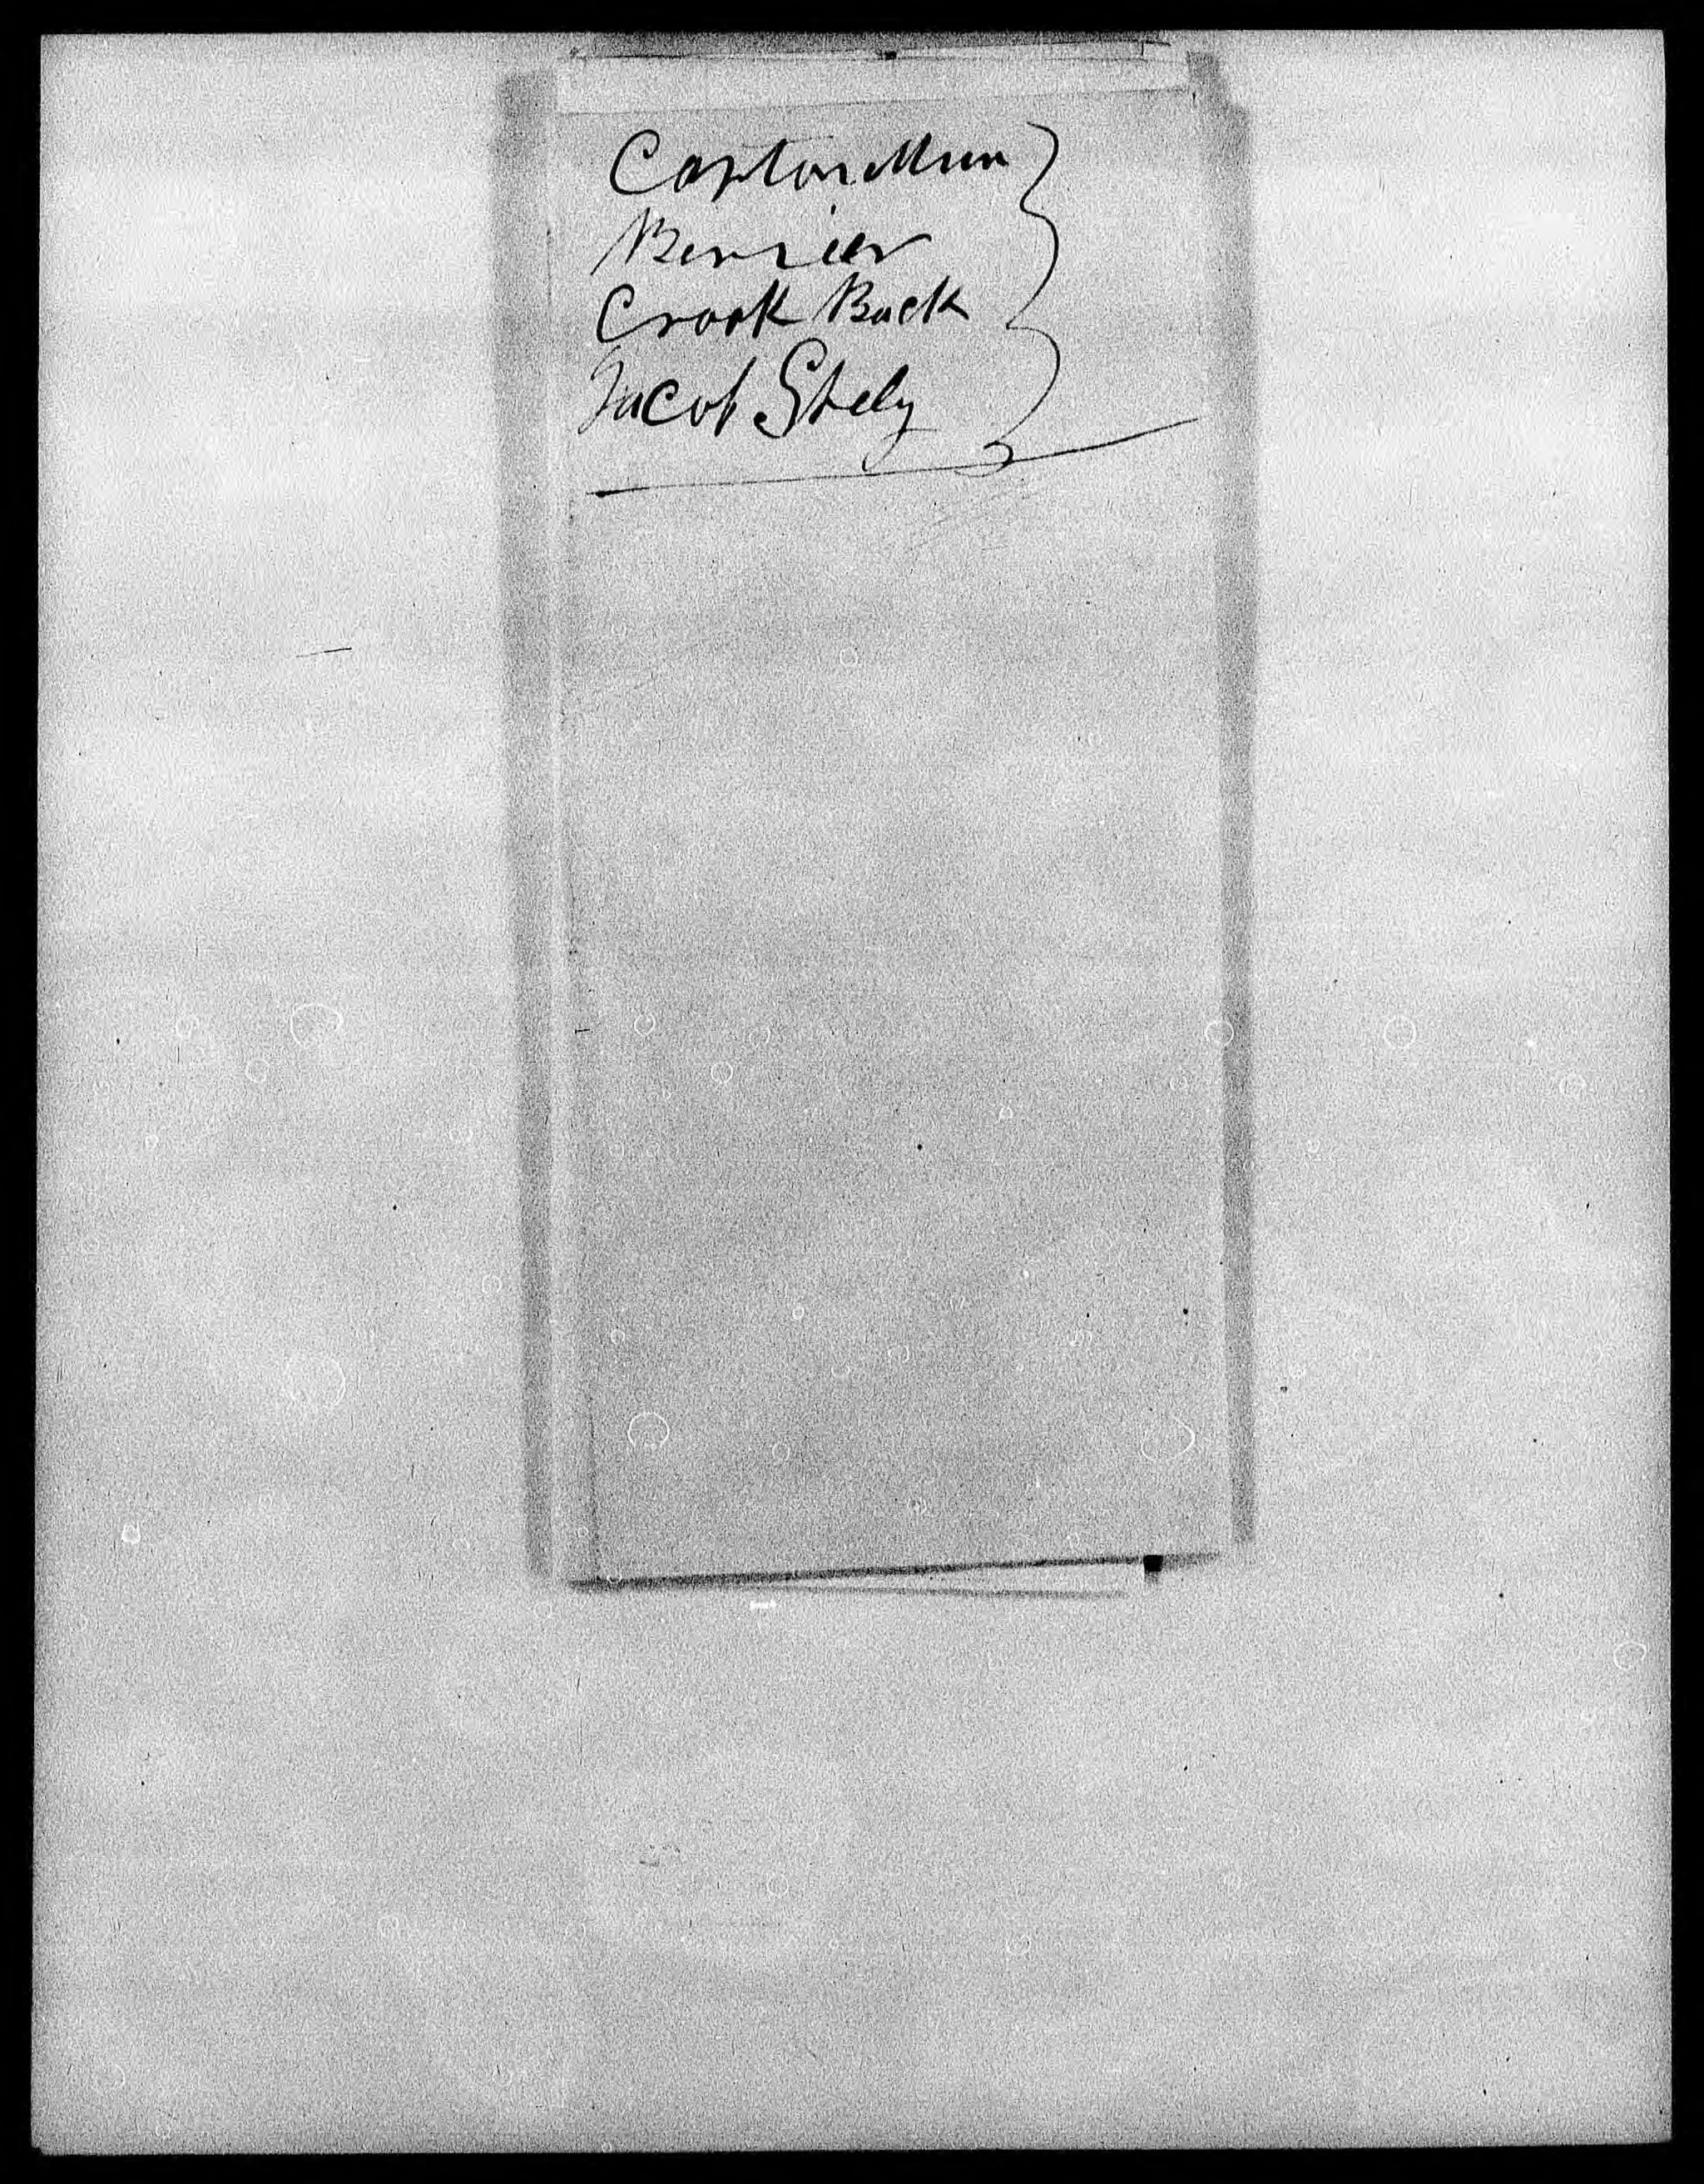Capton Mun 
Berrier 
Crook Buck 
Jacob Stely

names: Jacob Stely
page: 3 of 18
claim: rejected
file: R. 6002, for Abraham Kittle, New York